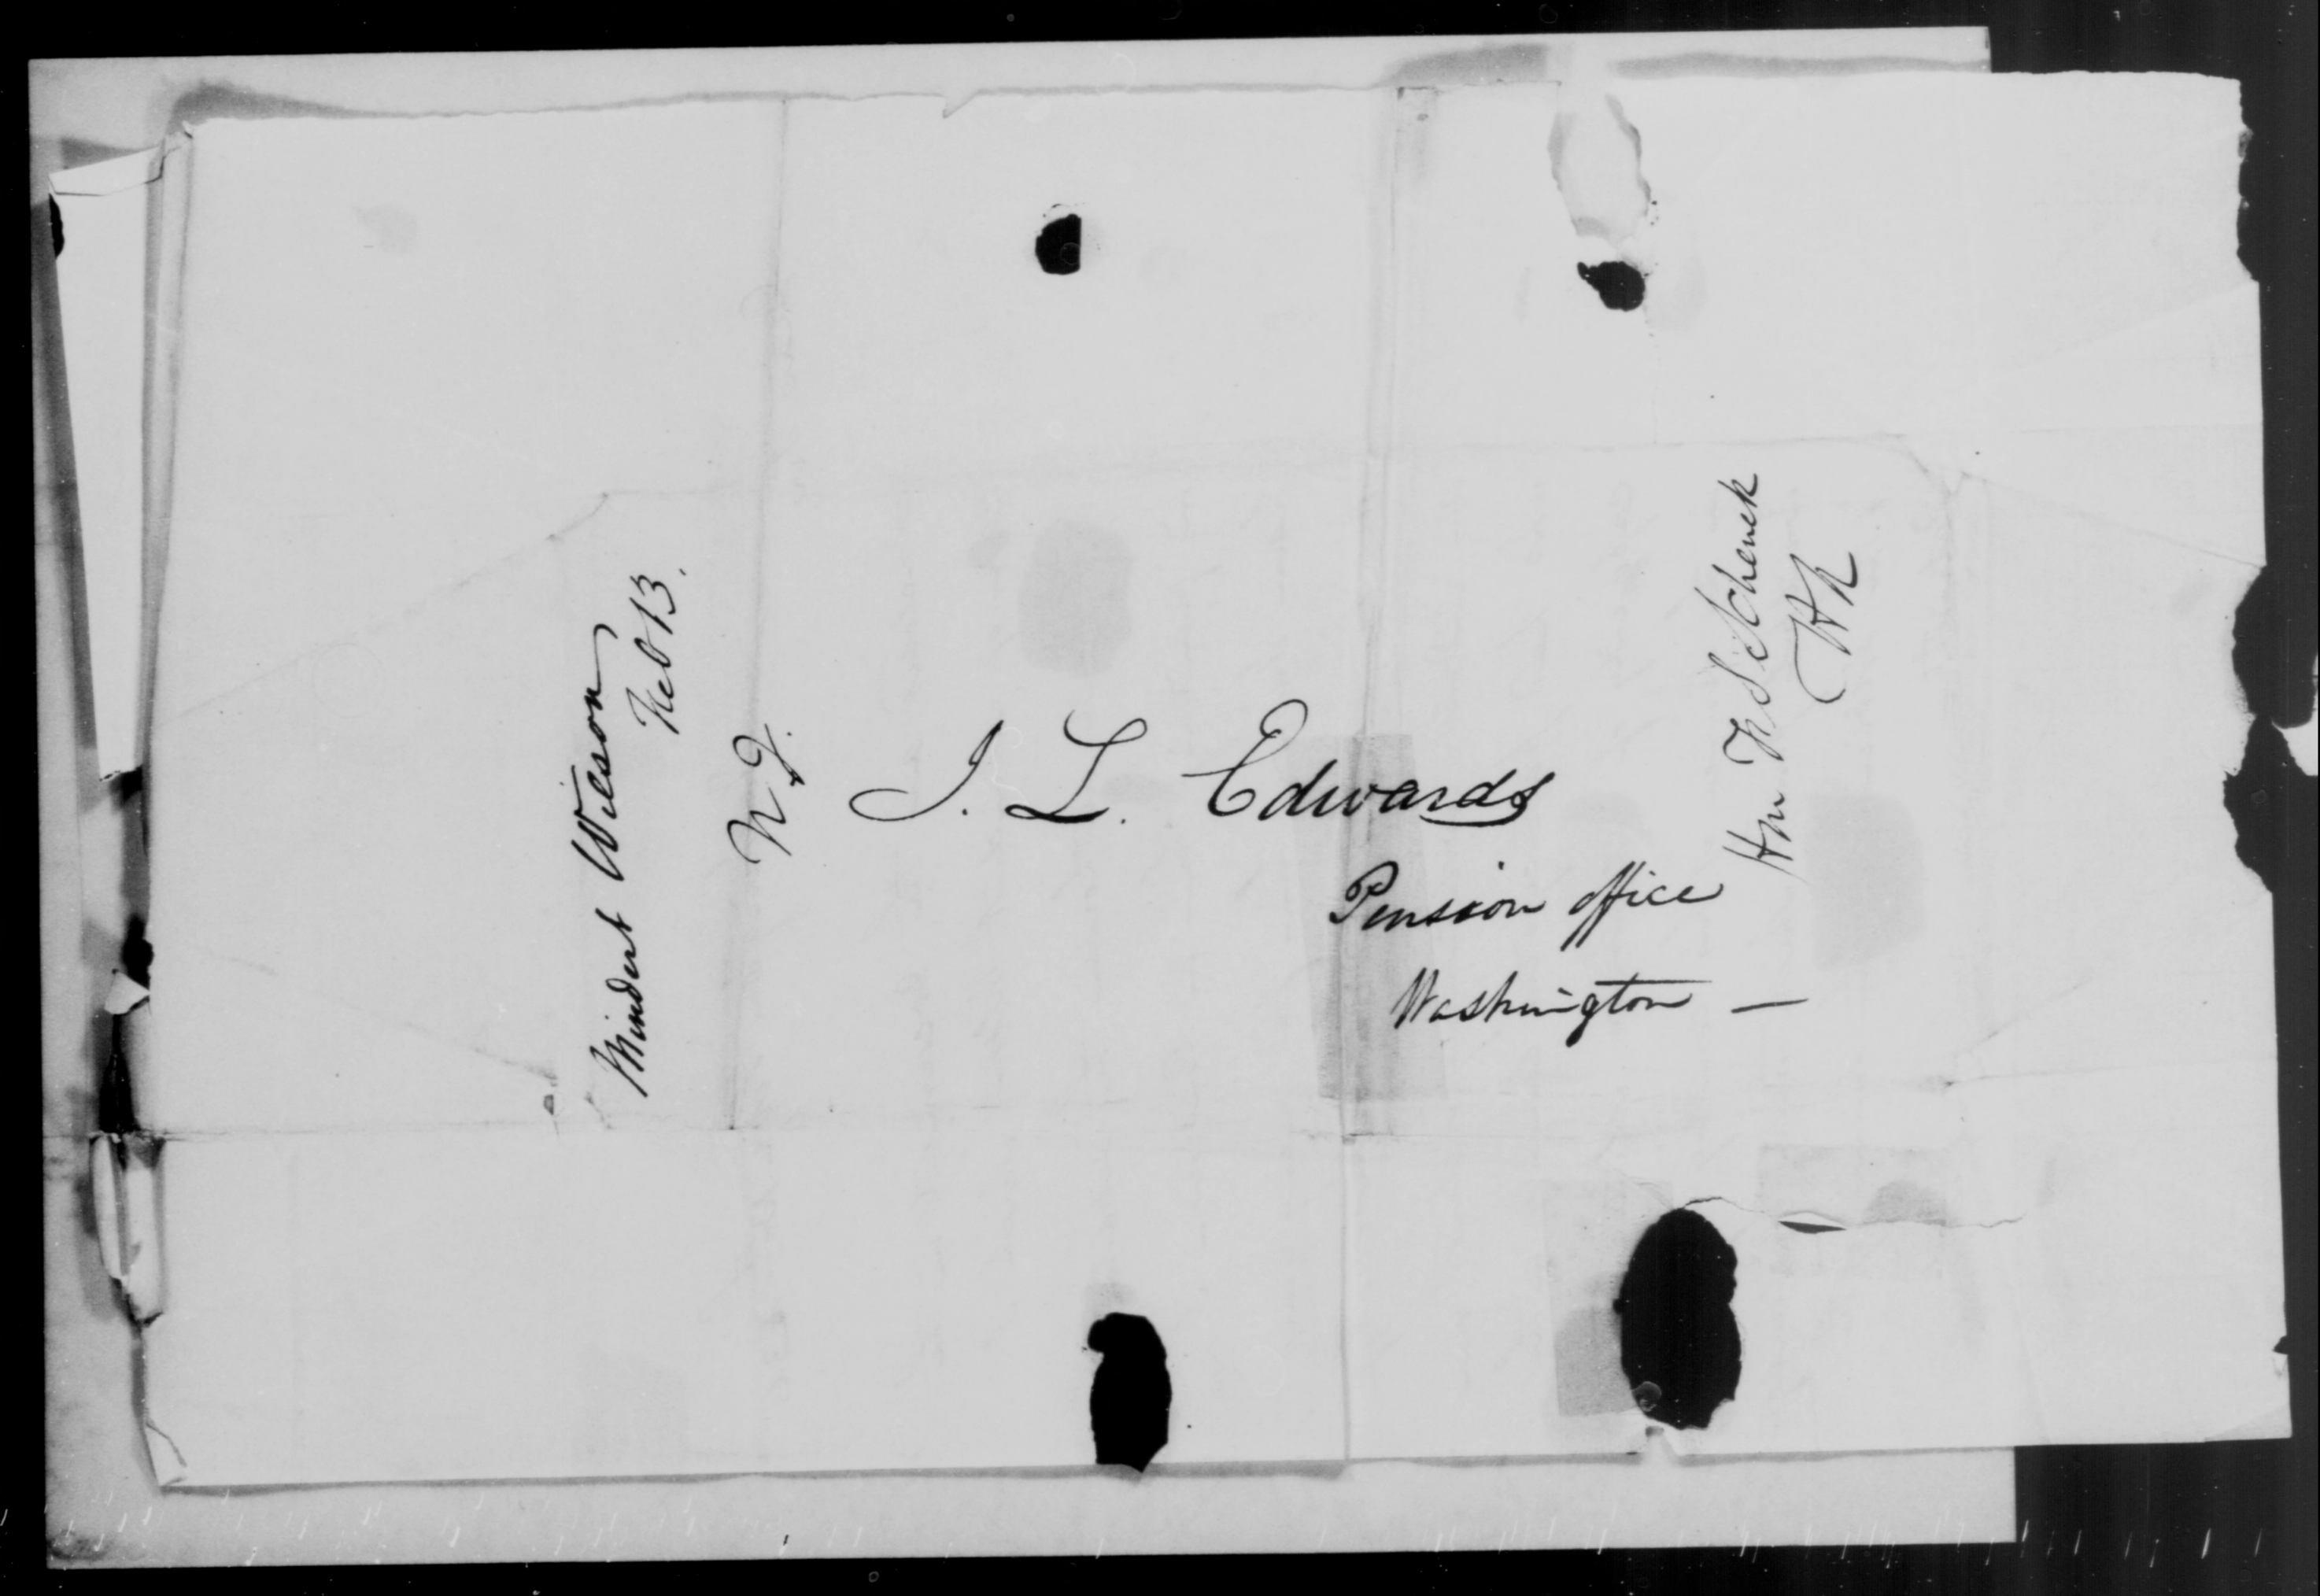J. L. Edwards
Pension office
Washington --

[written upward:]
Mindert Wilson No 013 N.J.
Hon F S Schenck HR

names: Mindert Wilson, F S Schenck, J L Edwards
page: 20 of 40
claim: survivor's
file: S. 3564, Mindart Wilson, New Jersey